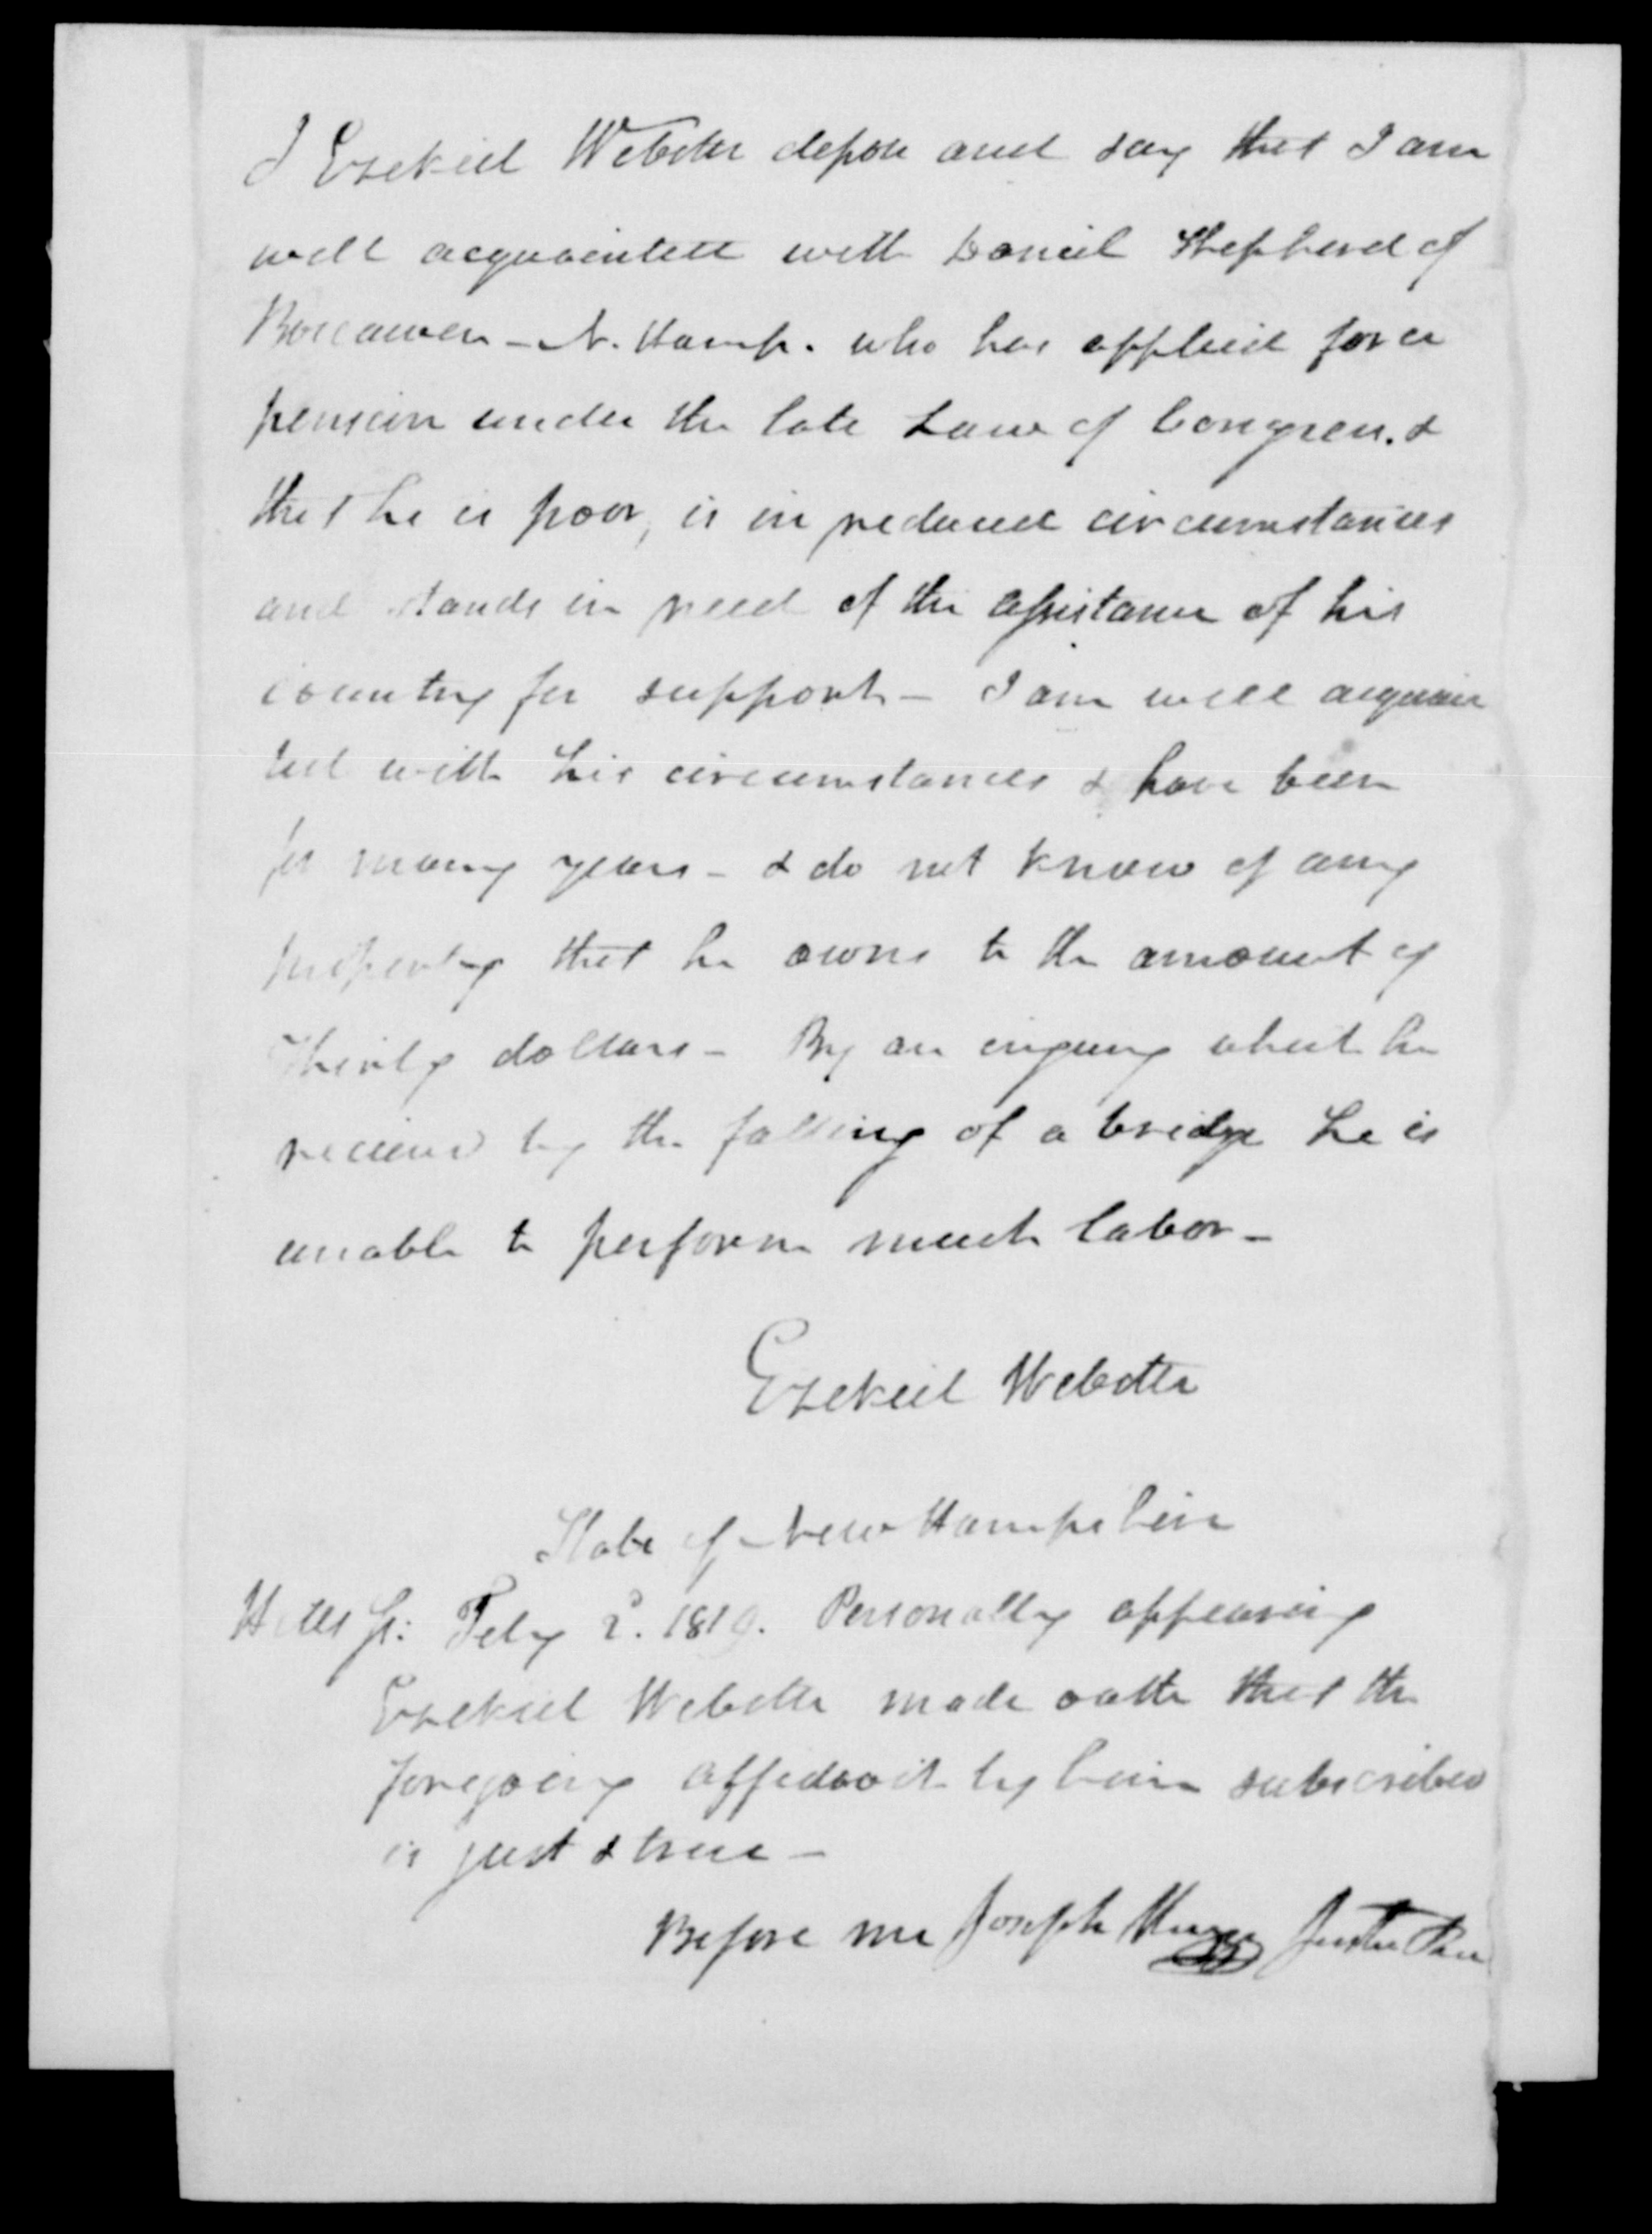I Ezekiel Webster depose and say that I am
well acquainted with Daniel Shepherd of
Bowen N. Hamp. who has applied for
pension under the late Law of Congress &
that he is poor, is in reduced circumstances
and stands in need of the assistance of his
country for support- I am well acquainted
with his circumstances & have been
or many years & do not know of any
property that he owns to the amount of
Thirty dollars - By an enquiry what he
received by the falling of a bride he is
unable to perform much labor
[signature] Ezekiel Webster

State of New Hampshire
Hills July 2d 1810. Personally appearing
Ezekiel Webster made oath that the
foregoing affidavit by him subscribed
is just & true-
Before me [signature] Joseph Muggy Justice Peace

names: Ezekiel Webster; Ezekiel Webster; Joseph Muggy; Ezekiel Webster; Daniel Shepherd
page: 19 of 25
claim: survivor's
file: S. 43137, for Daniel Shepard, New Hampshire